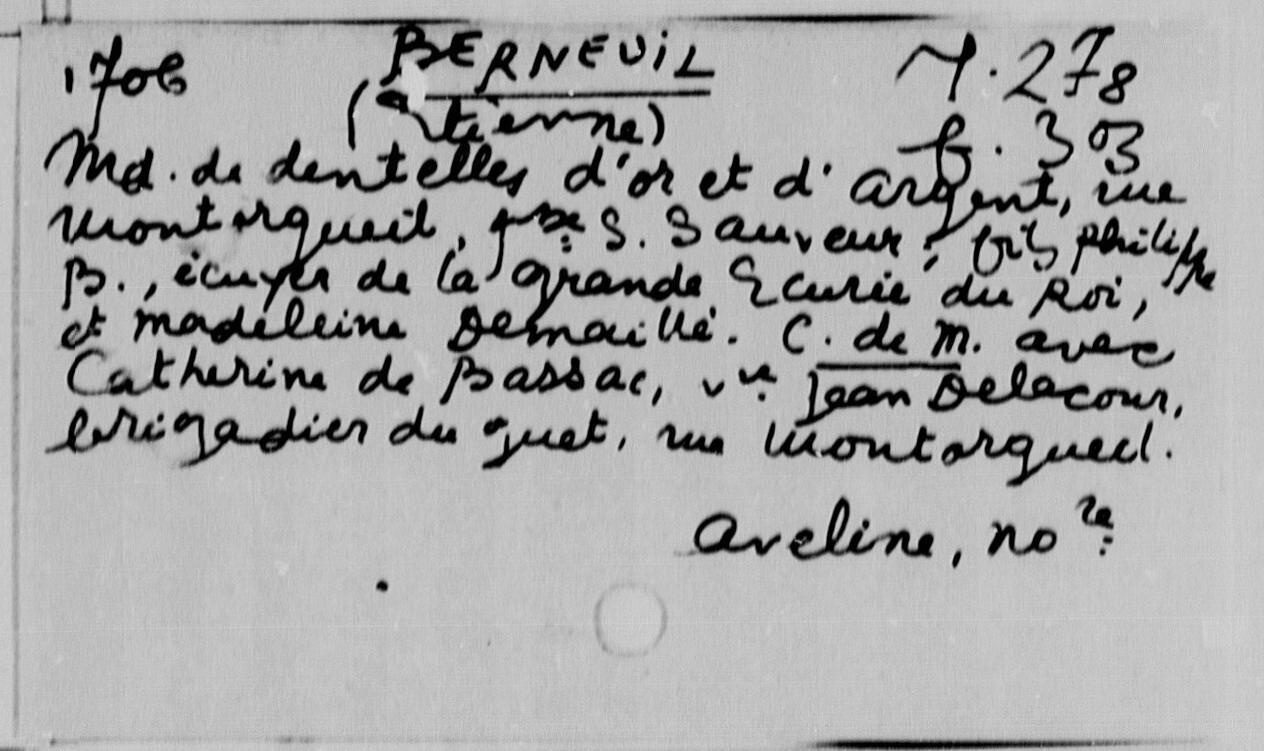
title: BERNEUIL (Étienne)
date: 1706
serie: Y
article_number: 278
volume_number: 303
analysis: Marchand de dentelles d'or et d'Argent, rue Montorgueil, paroisse Saint-Sauveur, fils Philippe B., écuyer de la grande Écurie du roi, et Madeleine Demaillé. Contrat de mariage avec Catherine de Bassac, veuve Jean Delacour, brigadier du guet, rue Montorgueil. Aveline, notaire.
